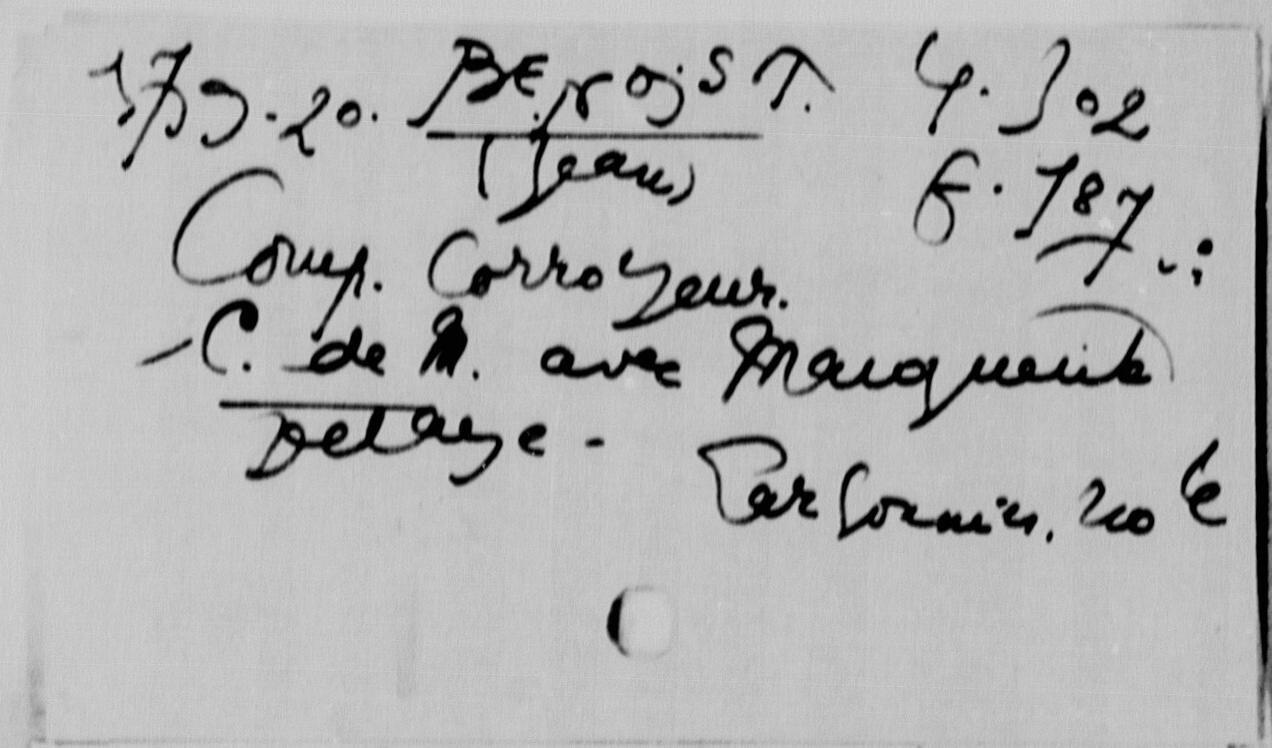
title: BENOIST (Jean)
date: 1719-1720
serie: Y
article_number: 302
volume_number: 187v
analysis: Compagnon corroyeur. Contrat de mariage avec Marguerite Delaye Larsonnier, notaire.
